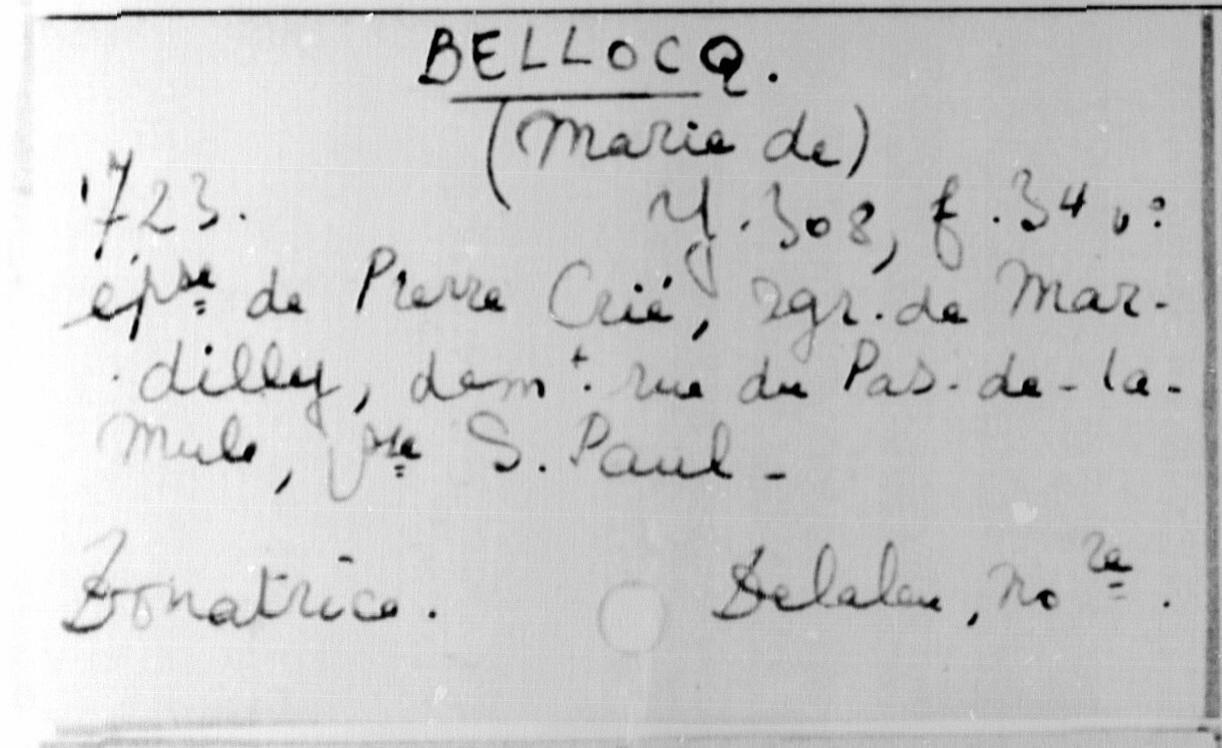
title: BELLOCQ (Marie de)
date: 1723
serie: Y
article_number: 308
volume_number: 34v
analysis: Épouse de Pierre CRIÉ, seigneur de Mardilly, demeurant rue du Pas-de-La-Mule, paroisse Saint-Paul. Donatrice. Delaleu, notaire.
